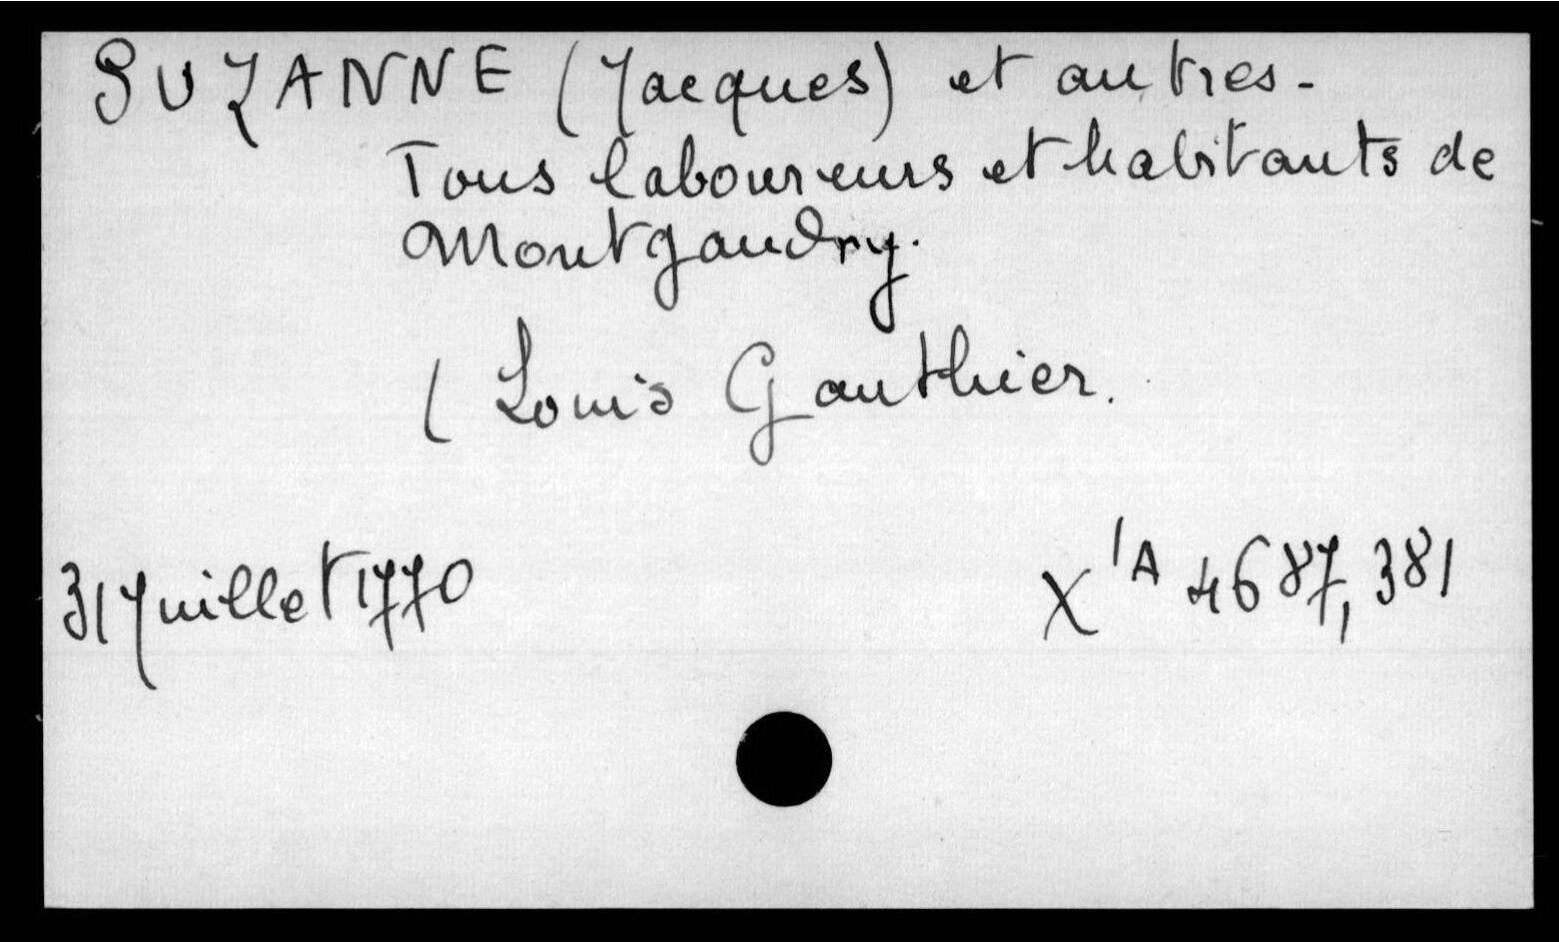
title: SUZANNE (Jacques) et autres. Tous laboureurs et habitants de Montgaudry
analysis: Contre Louis Gauthier
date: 31 juillet 1770
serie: X1A
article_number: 4687
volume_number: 381
